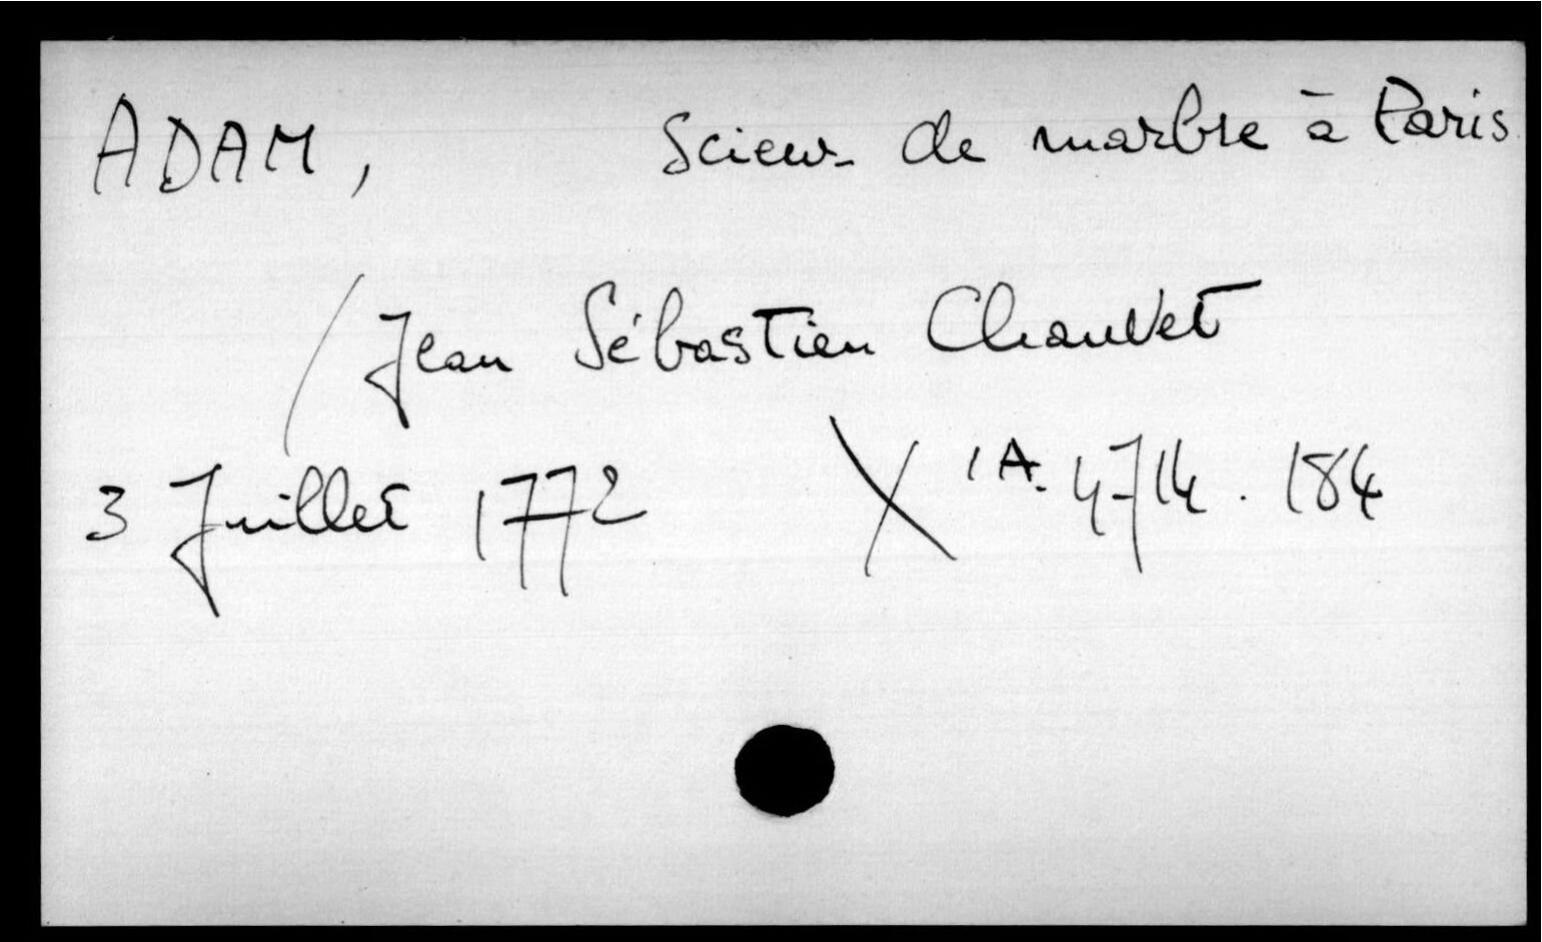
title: ADAM, scieur de marbre à Paris
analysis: Contre Jean Sébastien Chauvet
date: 3 juillet 1772
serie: X1A
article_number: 4714
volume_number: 184
